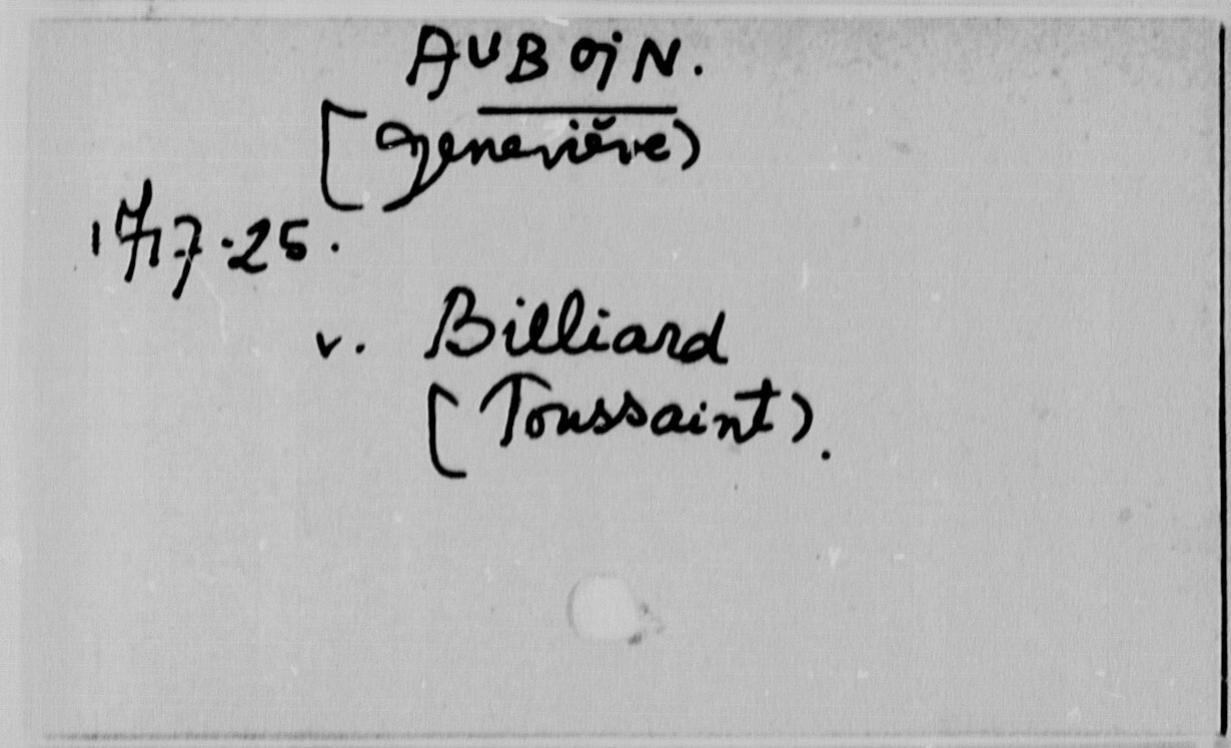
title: AUBOIN (Geneviève)
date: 1717-1725
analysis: Voir BILLIARD (Toussaint)
